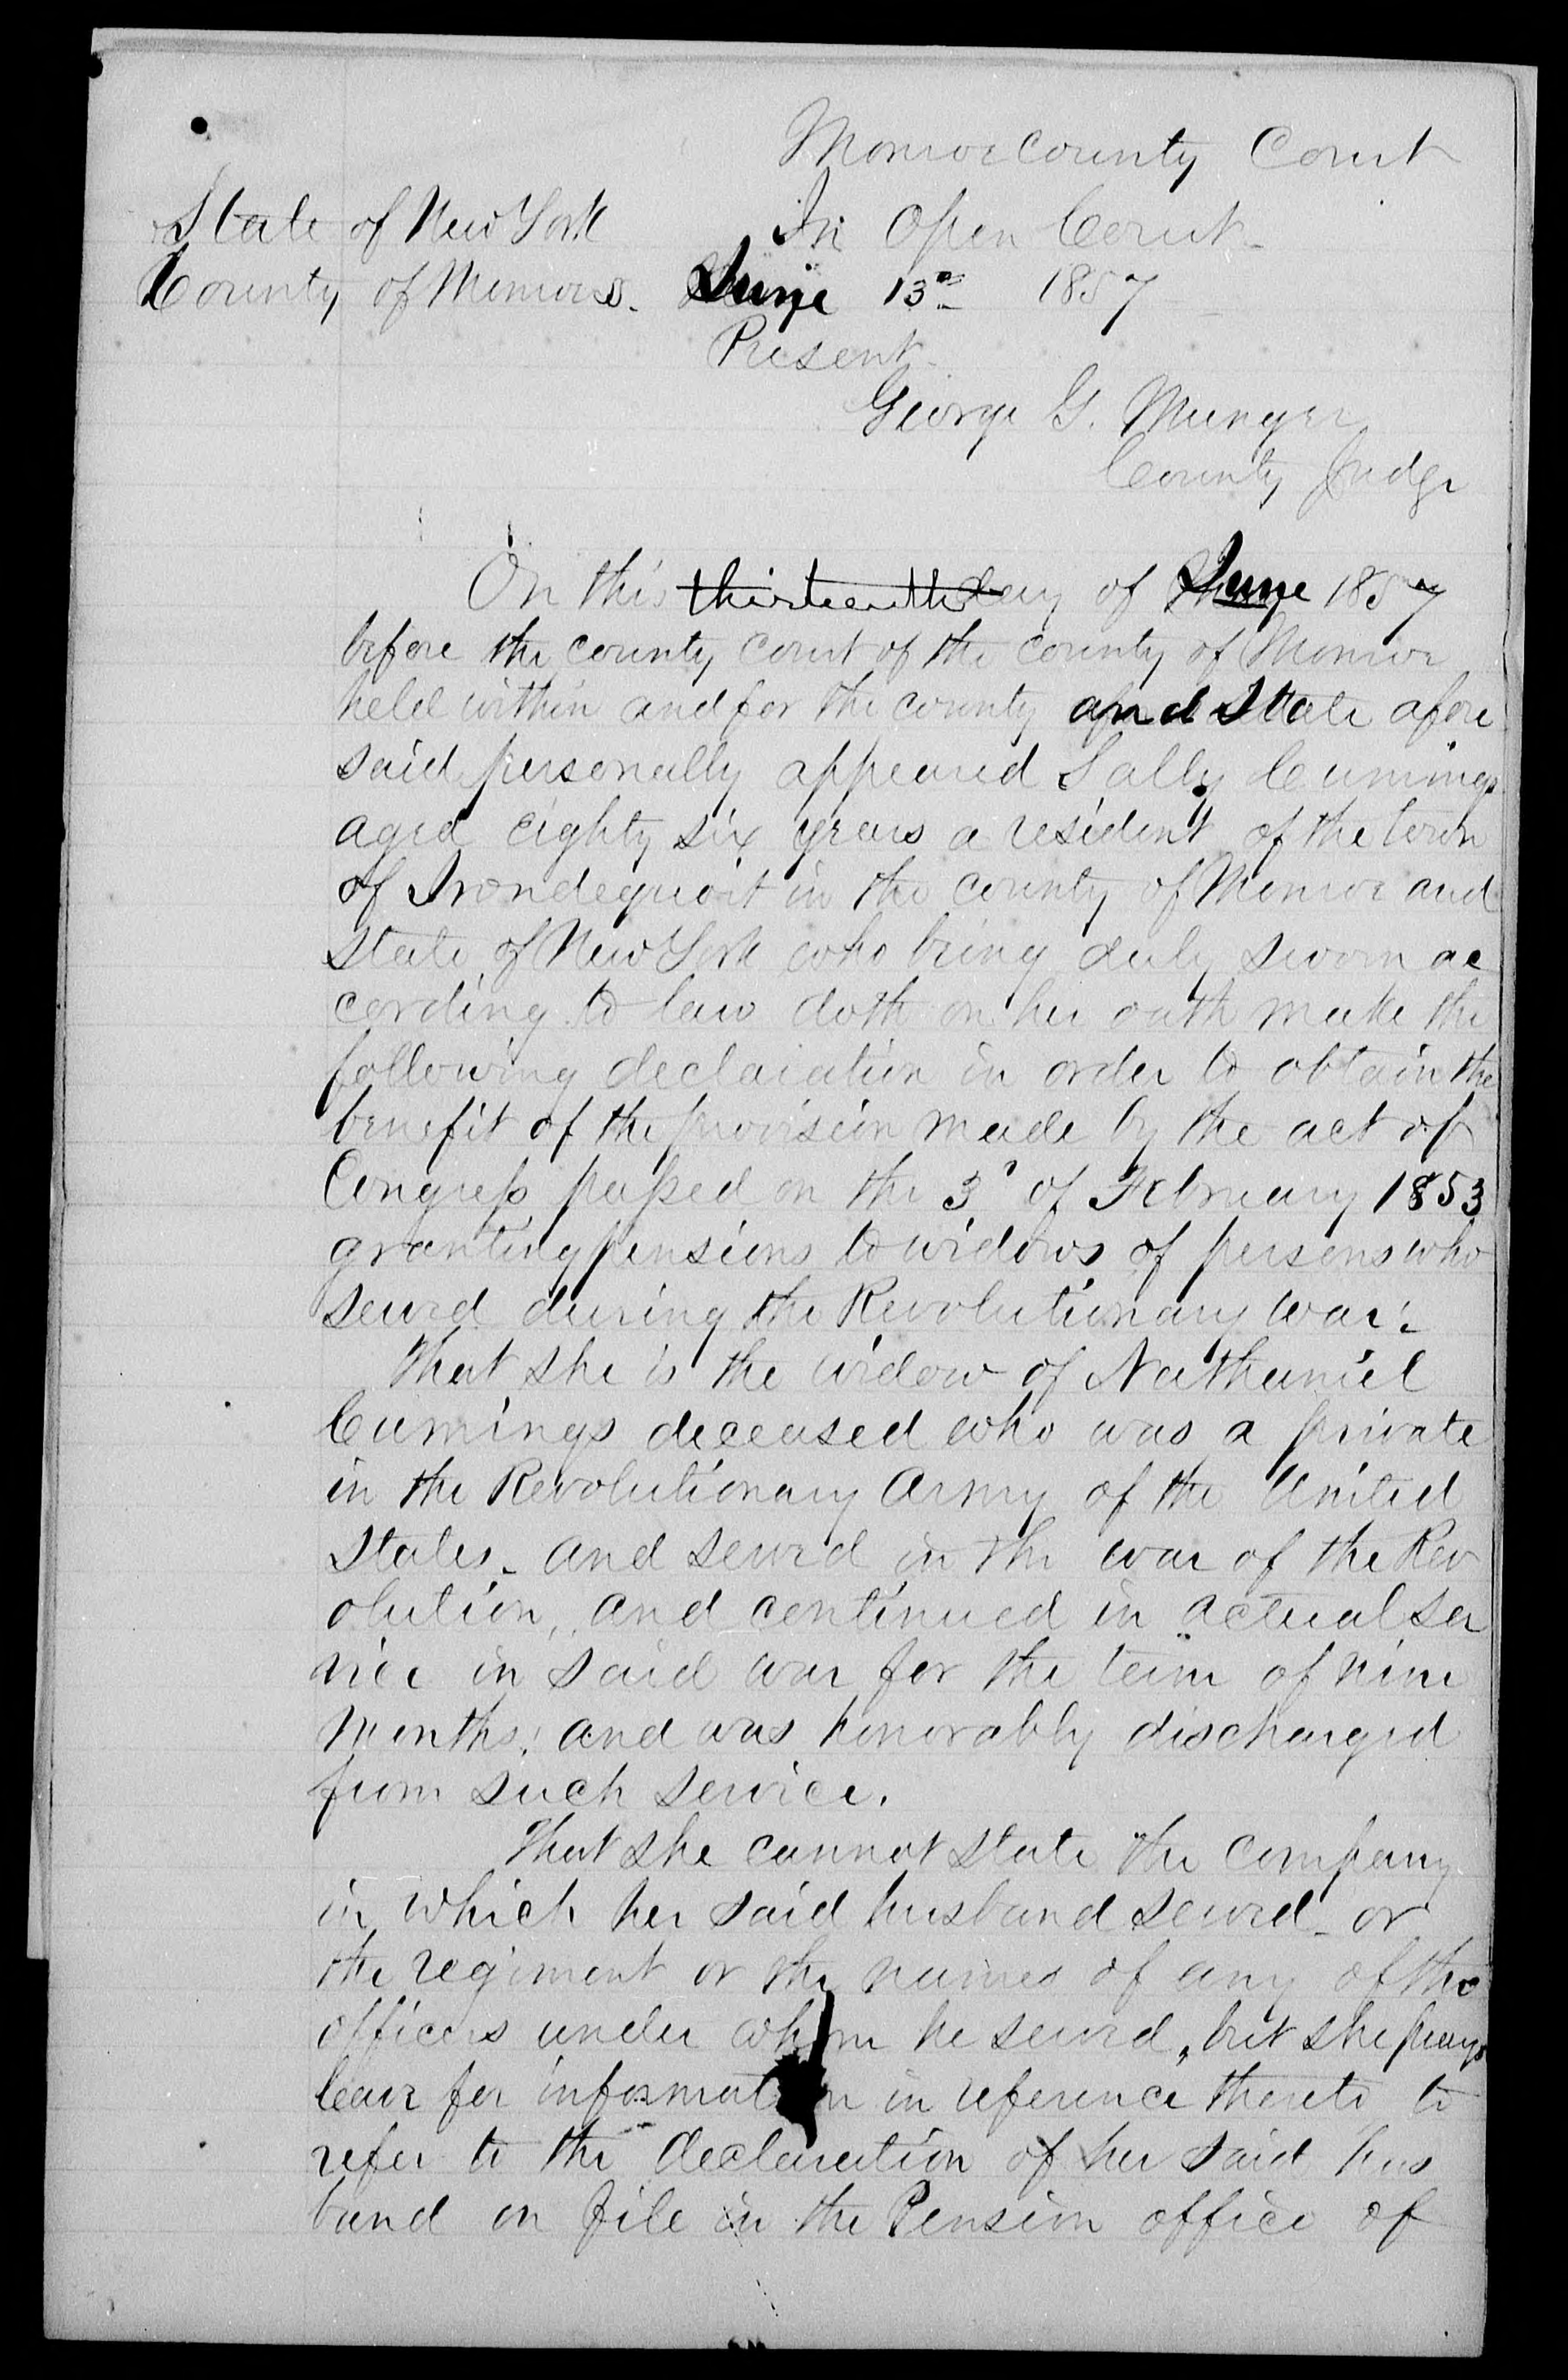New York
of Monroe
Monroe County Court
In Open Court
June 13th 1857
Present
George G. Munger
County Judge
On this thirteenth day of June 1857
before the County Court of the County of Monroe
held within and for the County and State afore
said personally appeared Sally Cumings
aged Eighty-six years a resident of the town of
Irondequoit in the County of Monroe and
State of New York who being duly sworn ac
cording to law doth on her oath make the
following declaration in order to obtain the
benefit of the provision made by the act of ┃
Congress passed on the 3d of February 1853
granting pensions to widows of persons who 
served during the Revolutionary war:
that she is the widow of Nathaniel
Cumings deceased who was a private 
in the Revolutionary Army of the United States
, and served in the war of the Rev
solution, and continued in actual 
one in said war for the term of nine
months; and was honorably discharged
from such service.
That she cannot state the company
in which her said husband served or
the regiment or the names of any of the 
officers under whom he served, but she prays
leave for information in reference thereto to
refer to the declaration of her said husband
 on file in the Pension office of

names: Nathaniel Cumings, George G Munger, Sally Cumings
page: 17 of 41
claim: widow's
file: W. 9819, Nathaniel Cumings, Vt.